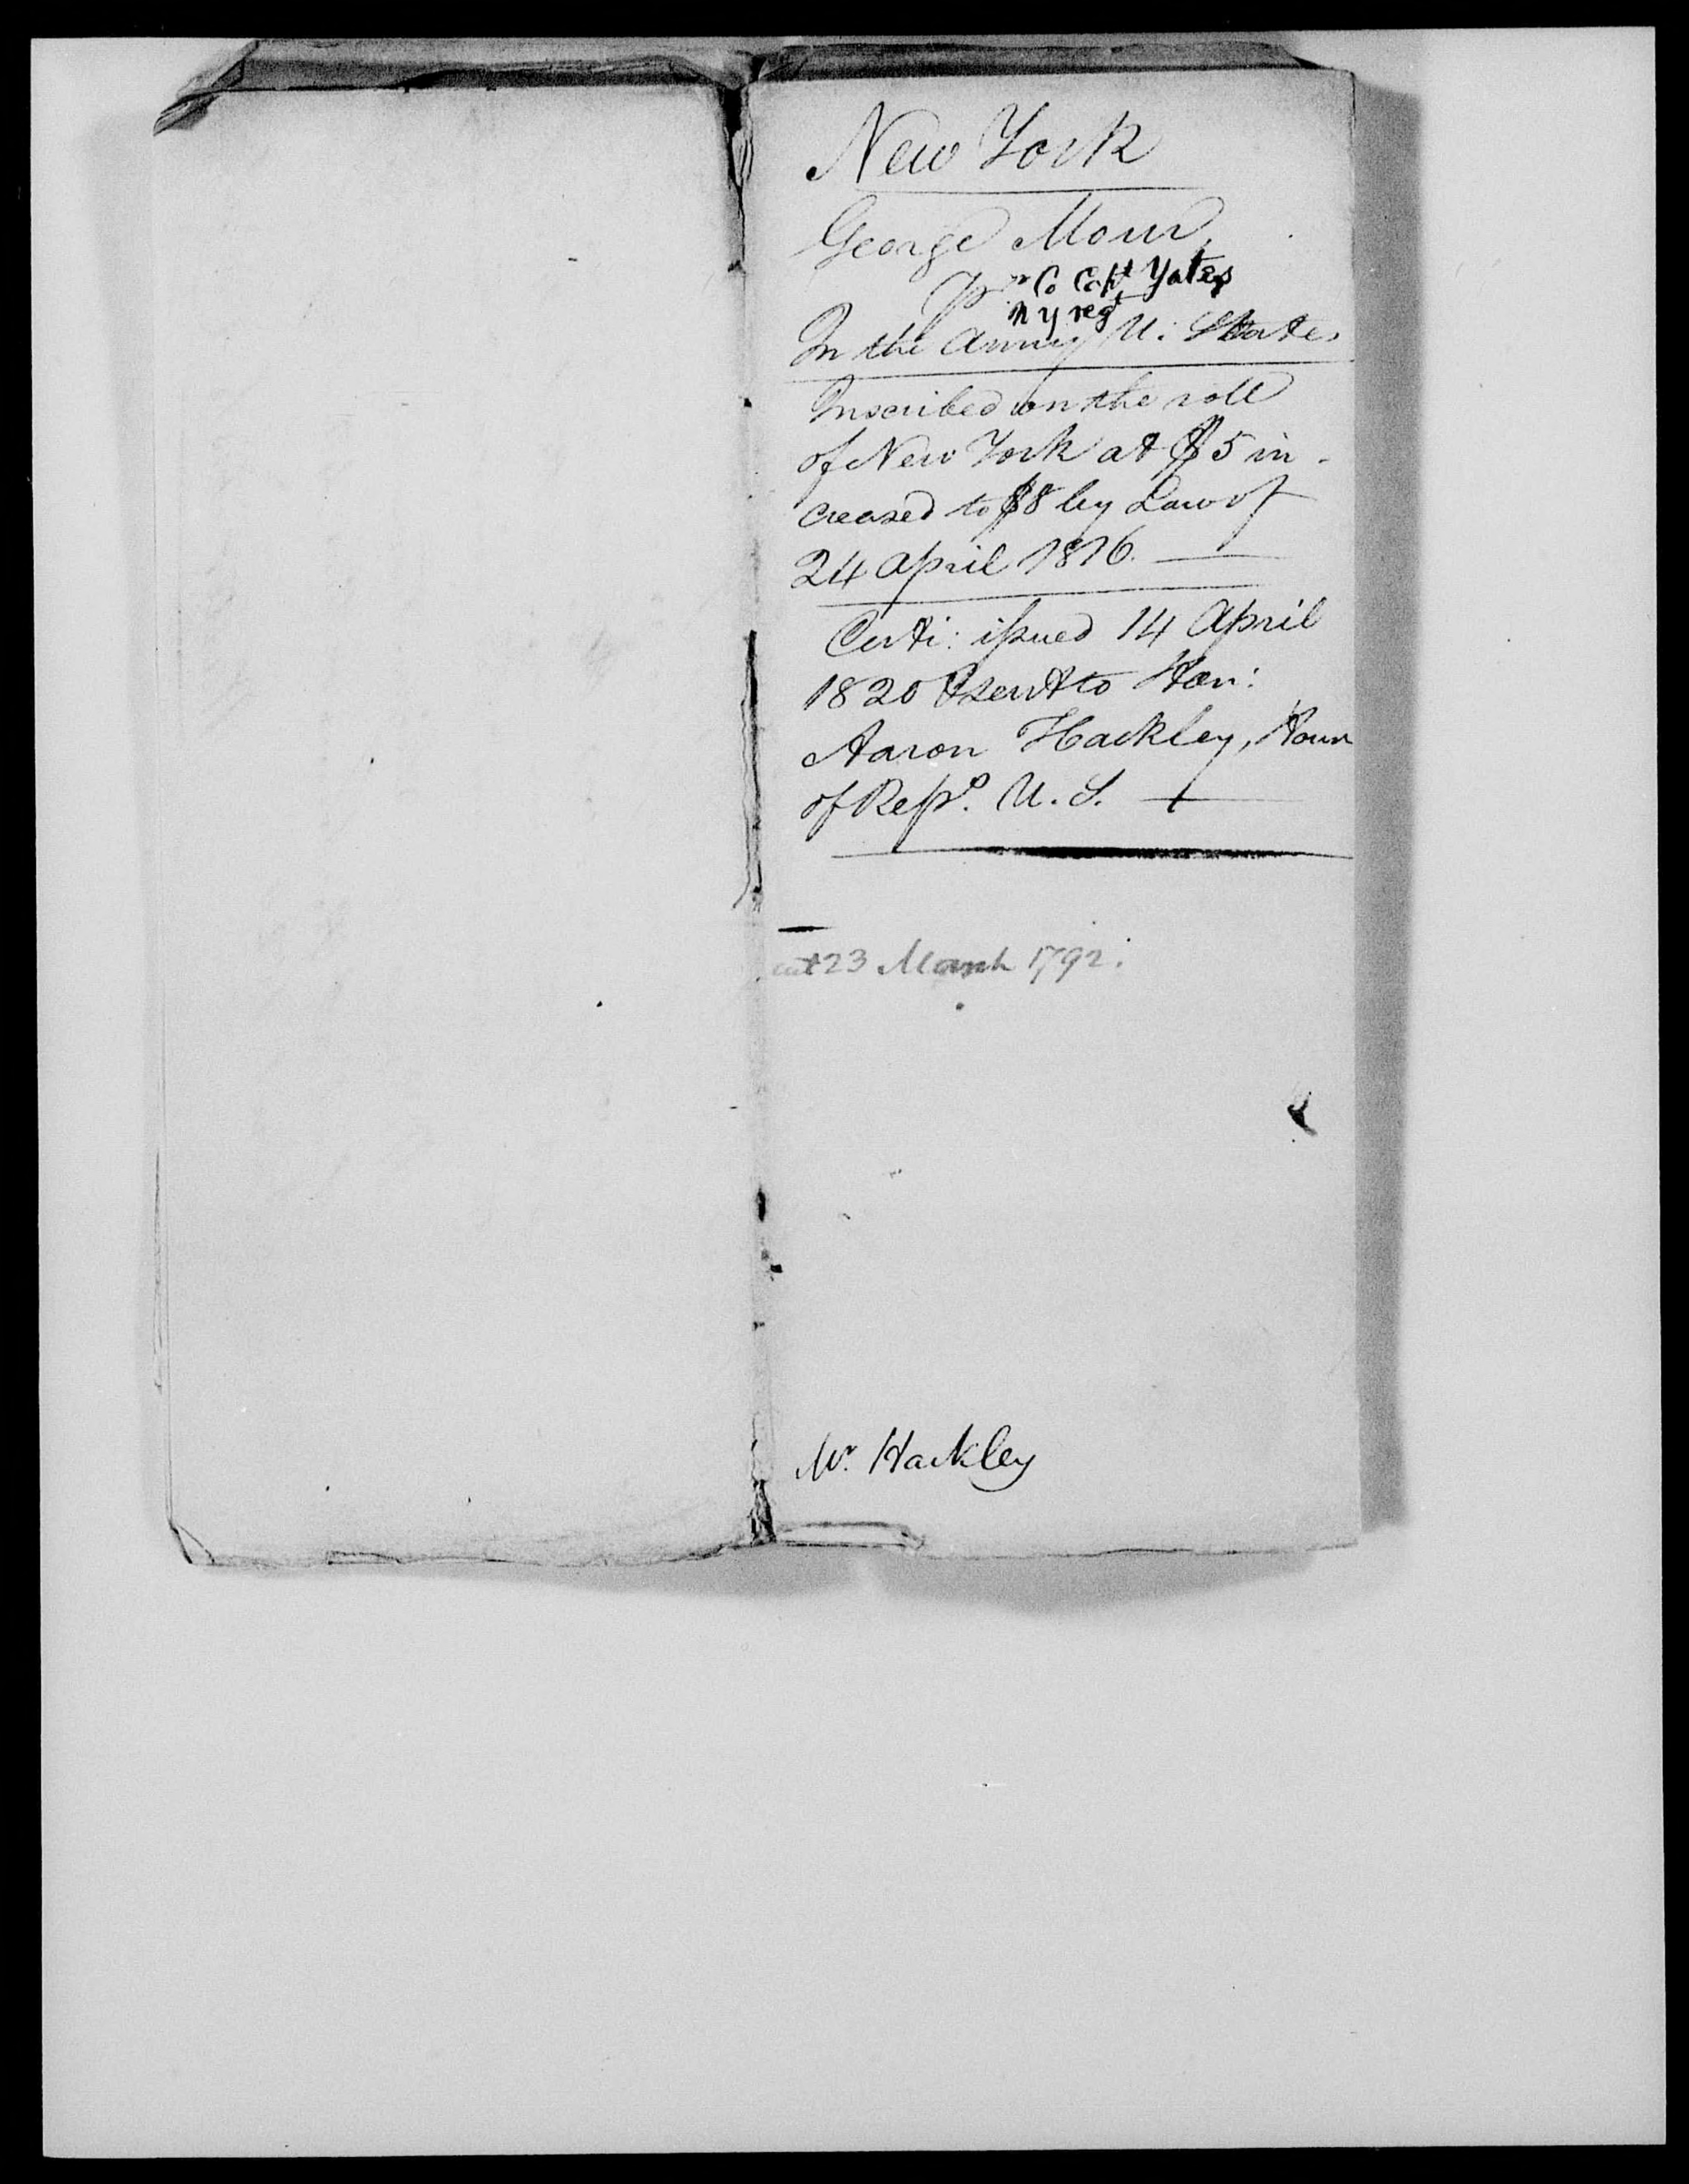New York

George Mour
[illegible] Co Capt Yates
 In the Army U. States

Inscribed on the roll of New York at $5 in creased to $8 by Law of 24 April 1876.

Certi: issued 14 April 1820 sent to Hon: Aaron Hackley, House of Rep'. U. S. 

cat 23 March 1792.

W. Harkley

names: George Mour; [BLANK] Yates; Aaron Hackley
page: 5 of 11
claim: survivor's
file: S. 27,210, for George Mour, New York